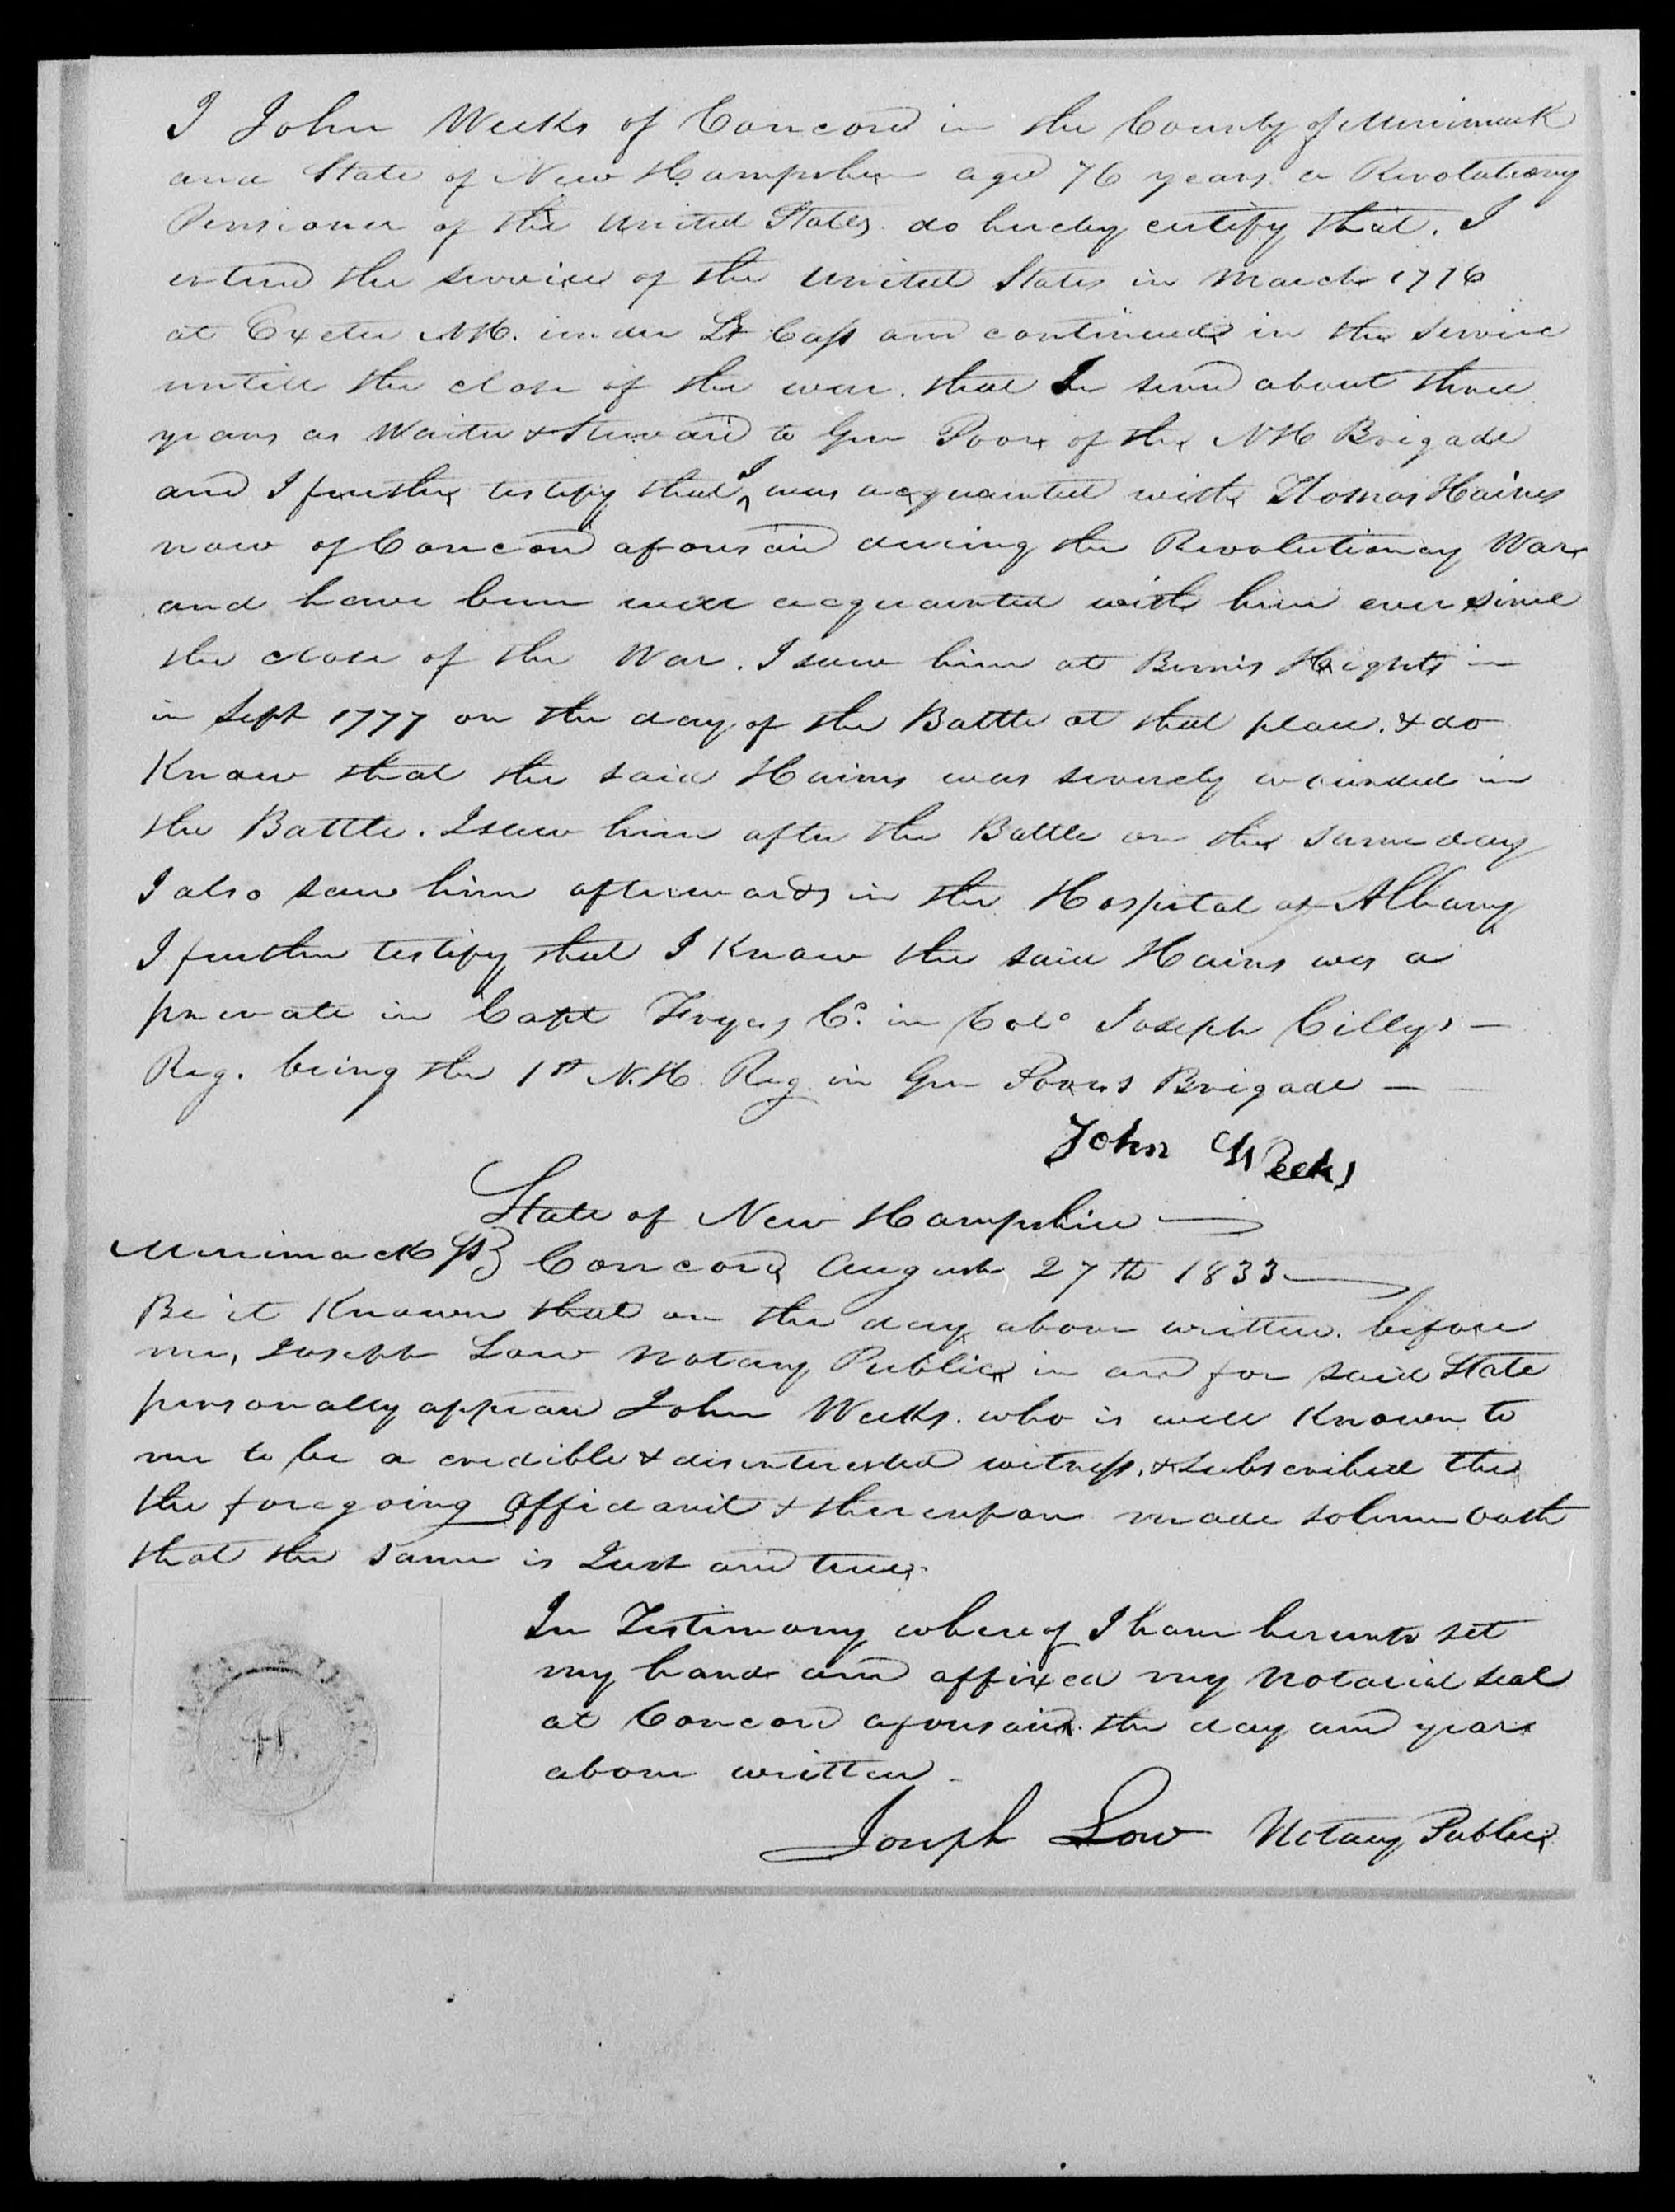I John Weeks of Concord in the County of Merrimack and State of New Hampshire aged 76 years a Revolutionary Pensioner of the United States do hereby certify that I
entered the service of the United States in March 1776 at Exeter NH. under Lt Cass and continued in the service untill the close of the war. That he served about three years as waiter & Steward to Gen Poor of the NH Brigade
and I further testify that I was acquainted with Thomas Haines now of Concord aforesaid during the Revolutionary War and have been well acquainted with him ever since the close of the War. I saw him at Bemis Heights in
in Sept 1777 on the day of the Battle at that place, & do know that the said Hains was severely wounded in the Battle. I saw him after the Battle on this same day I also saw him afterwards in the Hospital at Albany I further testify that I know the said Hains was a
private in Capt Fryes Co in Col Joseph Cilly
Reg. being the 1st N.H. Rug in Gen Poors Brigade-
John Weeks
State of New Hampshire
Merrimack ss Concord August 27th 1833-
Be it known that on the day above written before me, Joseph Law Notary Public in and for said State personally appeared John Weeks, who is well known to be a credible & disinterested witness subscribed this the foregoing affidavit & thereupon made solemn oath that the same is just and true
In Testimony whereof I have hereunto set
my hand and affixed my Notarial seal
at Concord aforesaid the day and years
above written
Joseph Low Notary Public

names: Poor, Joseph Cilly, John Weeks, Frye, Coss, Haines, Joseph Low, John Weeks, Poor, Hains, John Weeks, Thomas Haines, Joseph Low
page: 7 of 57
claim: widow's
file: W. 23217, Thomas Haines, N H